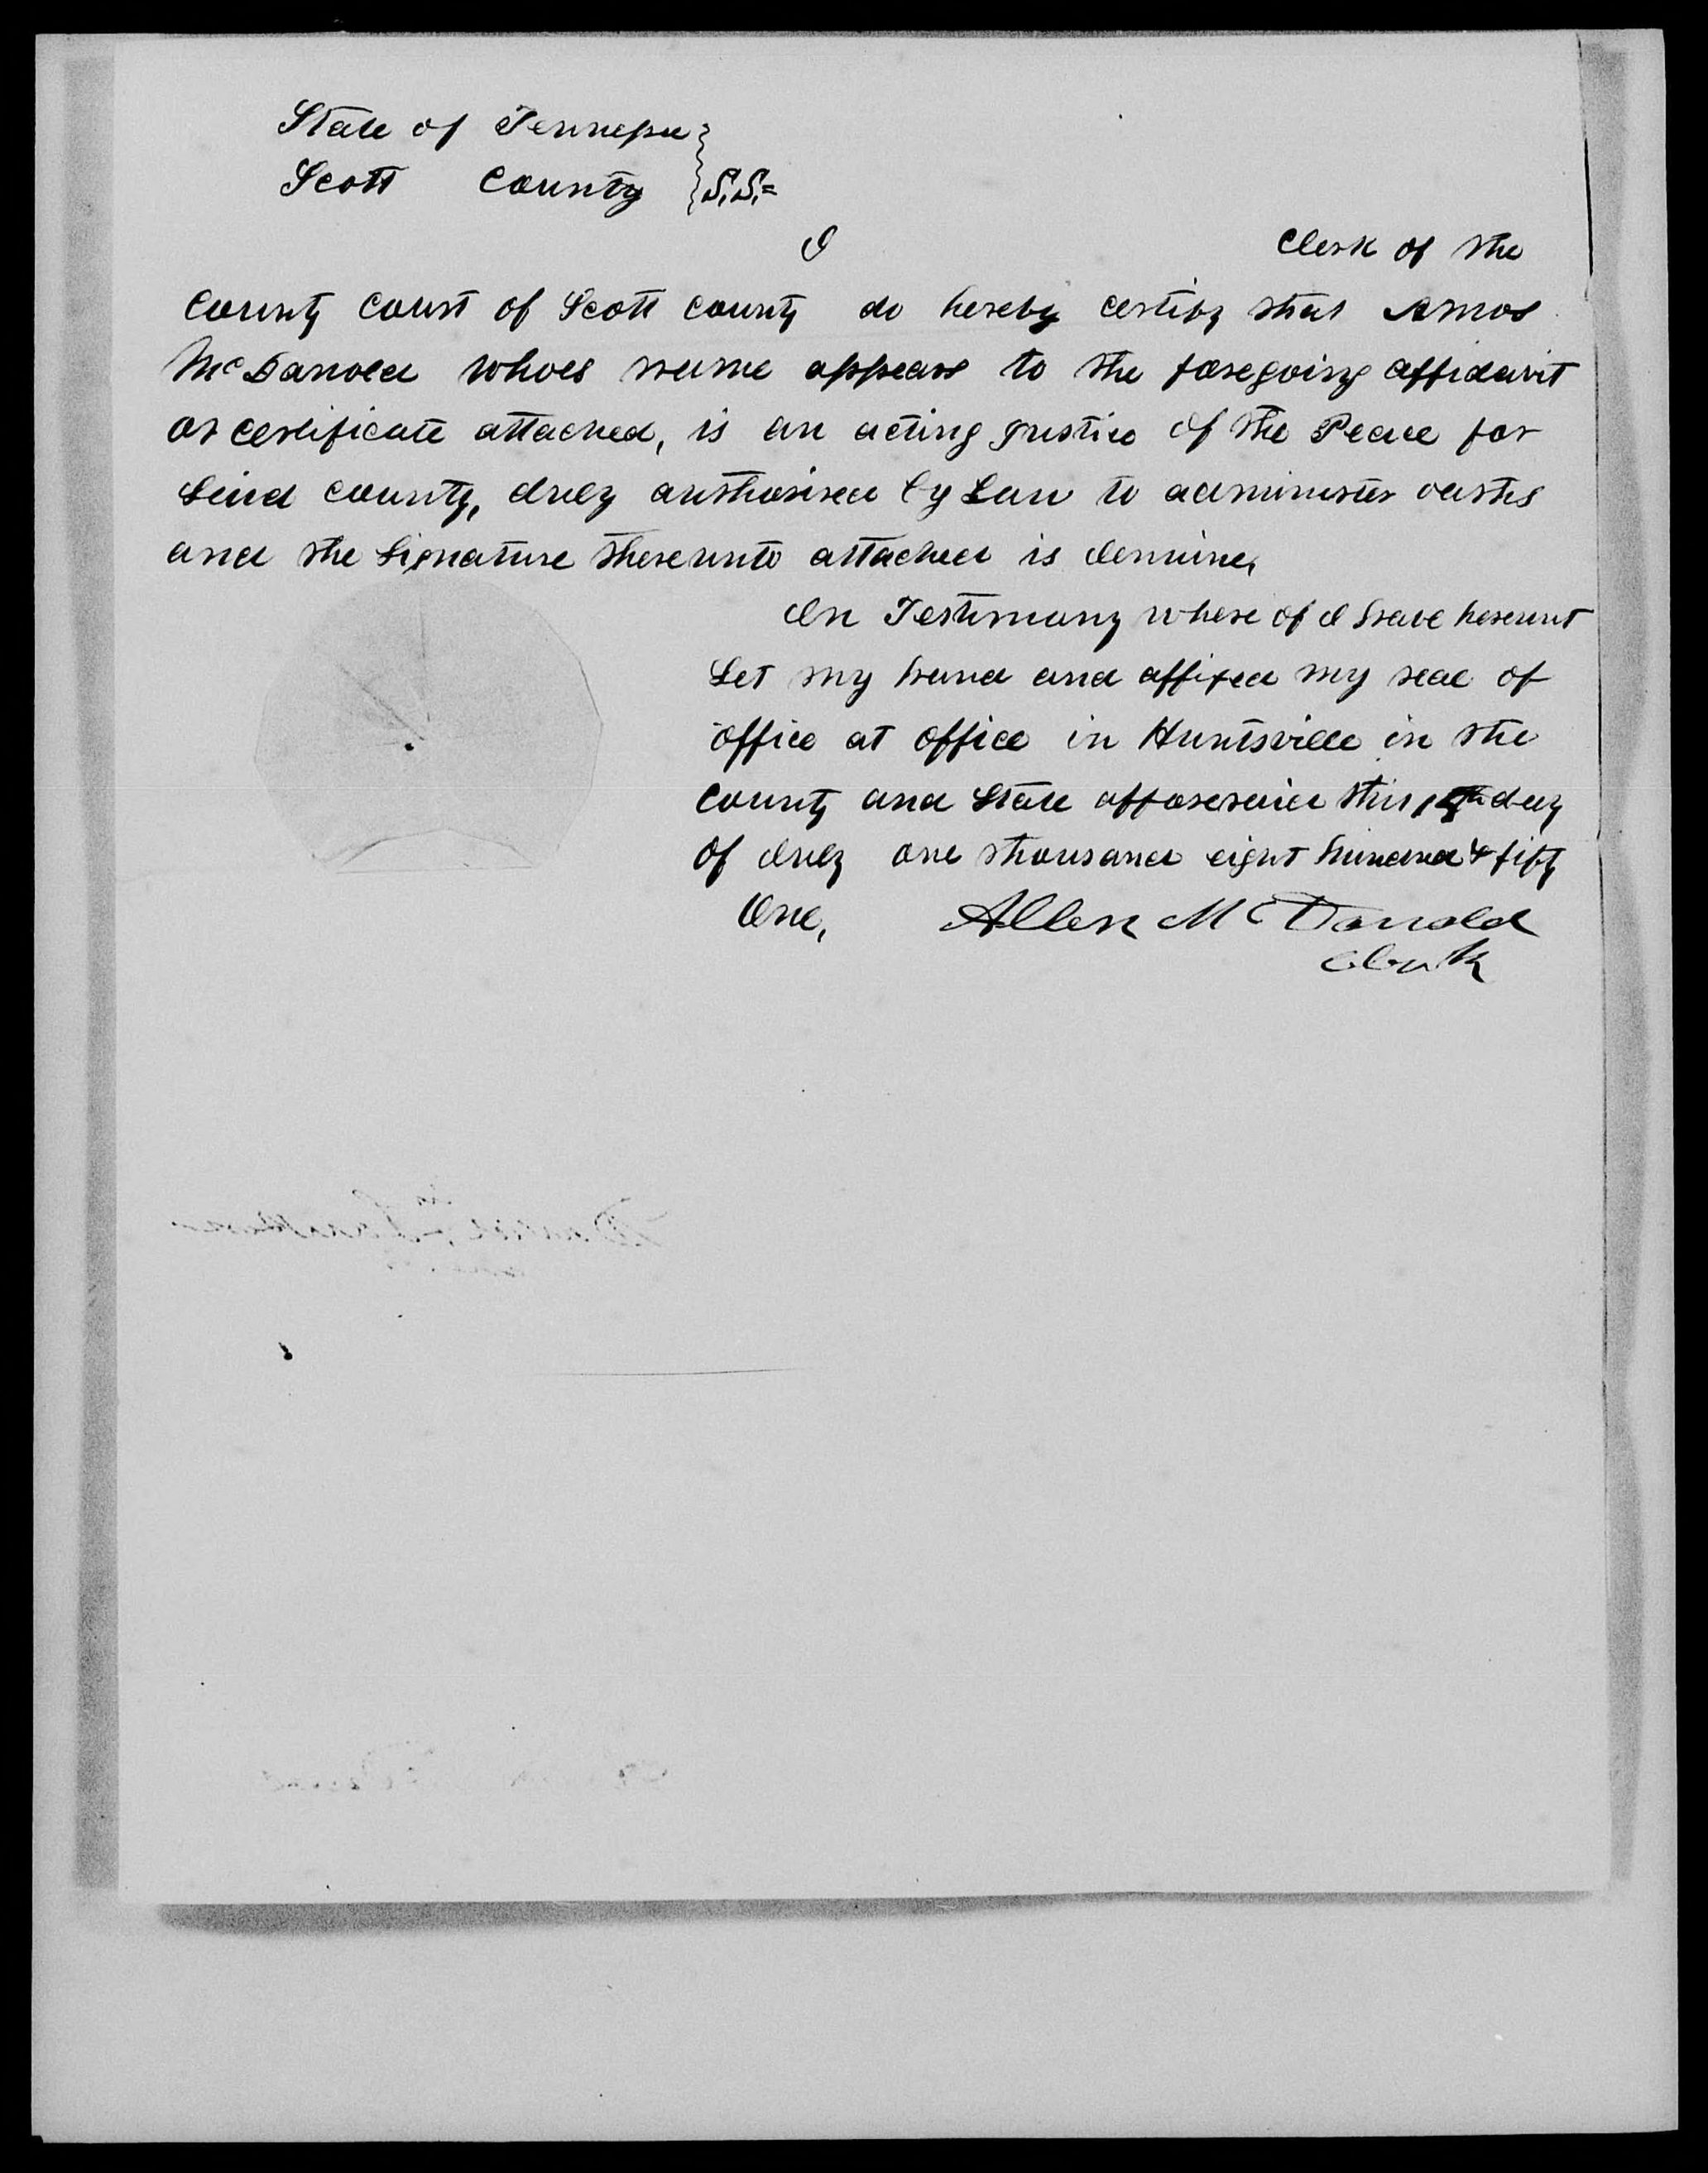State of Tennessee )
Scott County          )S.S.
I [blank] Clerk of the
County Court of Scott County do hereby certify that Amos
McDonald whoes [whose] name appears to the foregoing affidavit
as certificate attached, is an acting Justice of the Peace for
Said County, duly authorized by Law to administer oaths
and the signature thereunto attached is genuine
In Testimony where of I have hereunto
Set my hand and affixed my seal of
office at office in Huntsville in the
County and State afforesaid [aforesaid] this 15th day
of July one thousand eight hundred & fifty
One
Allen McDonald
Clerk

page: 76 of 120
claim: widow's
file: W. 1044, for Salathiel Martin, North Carolina